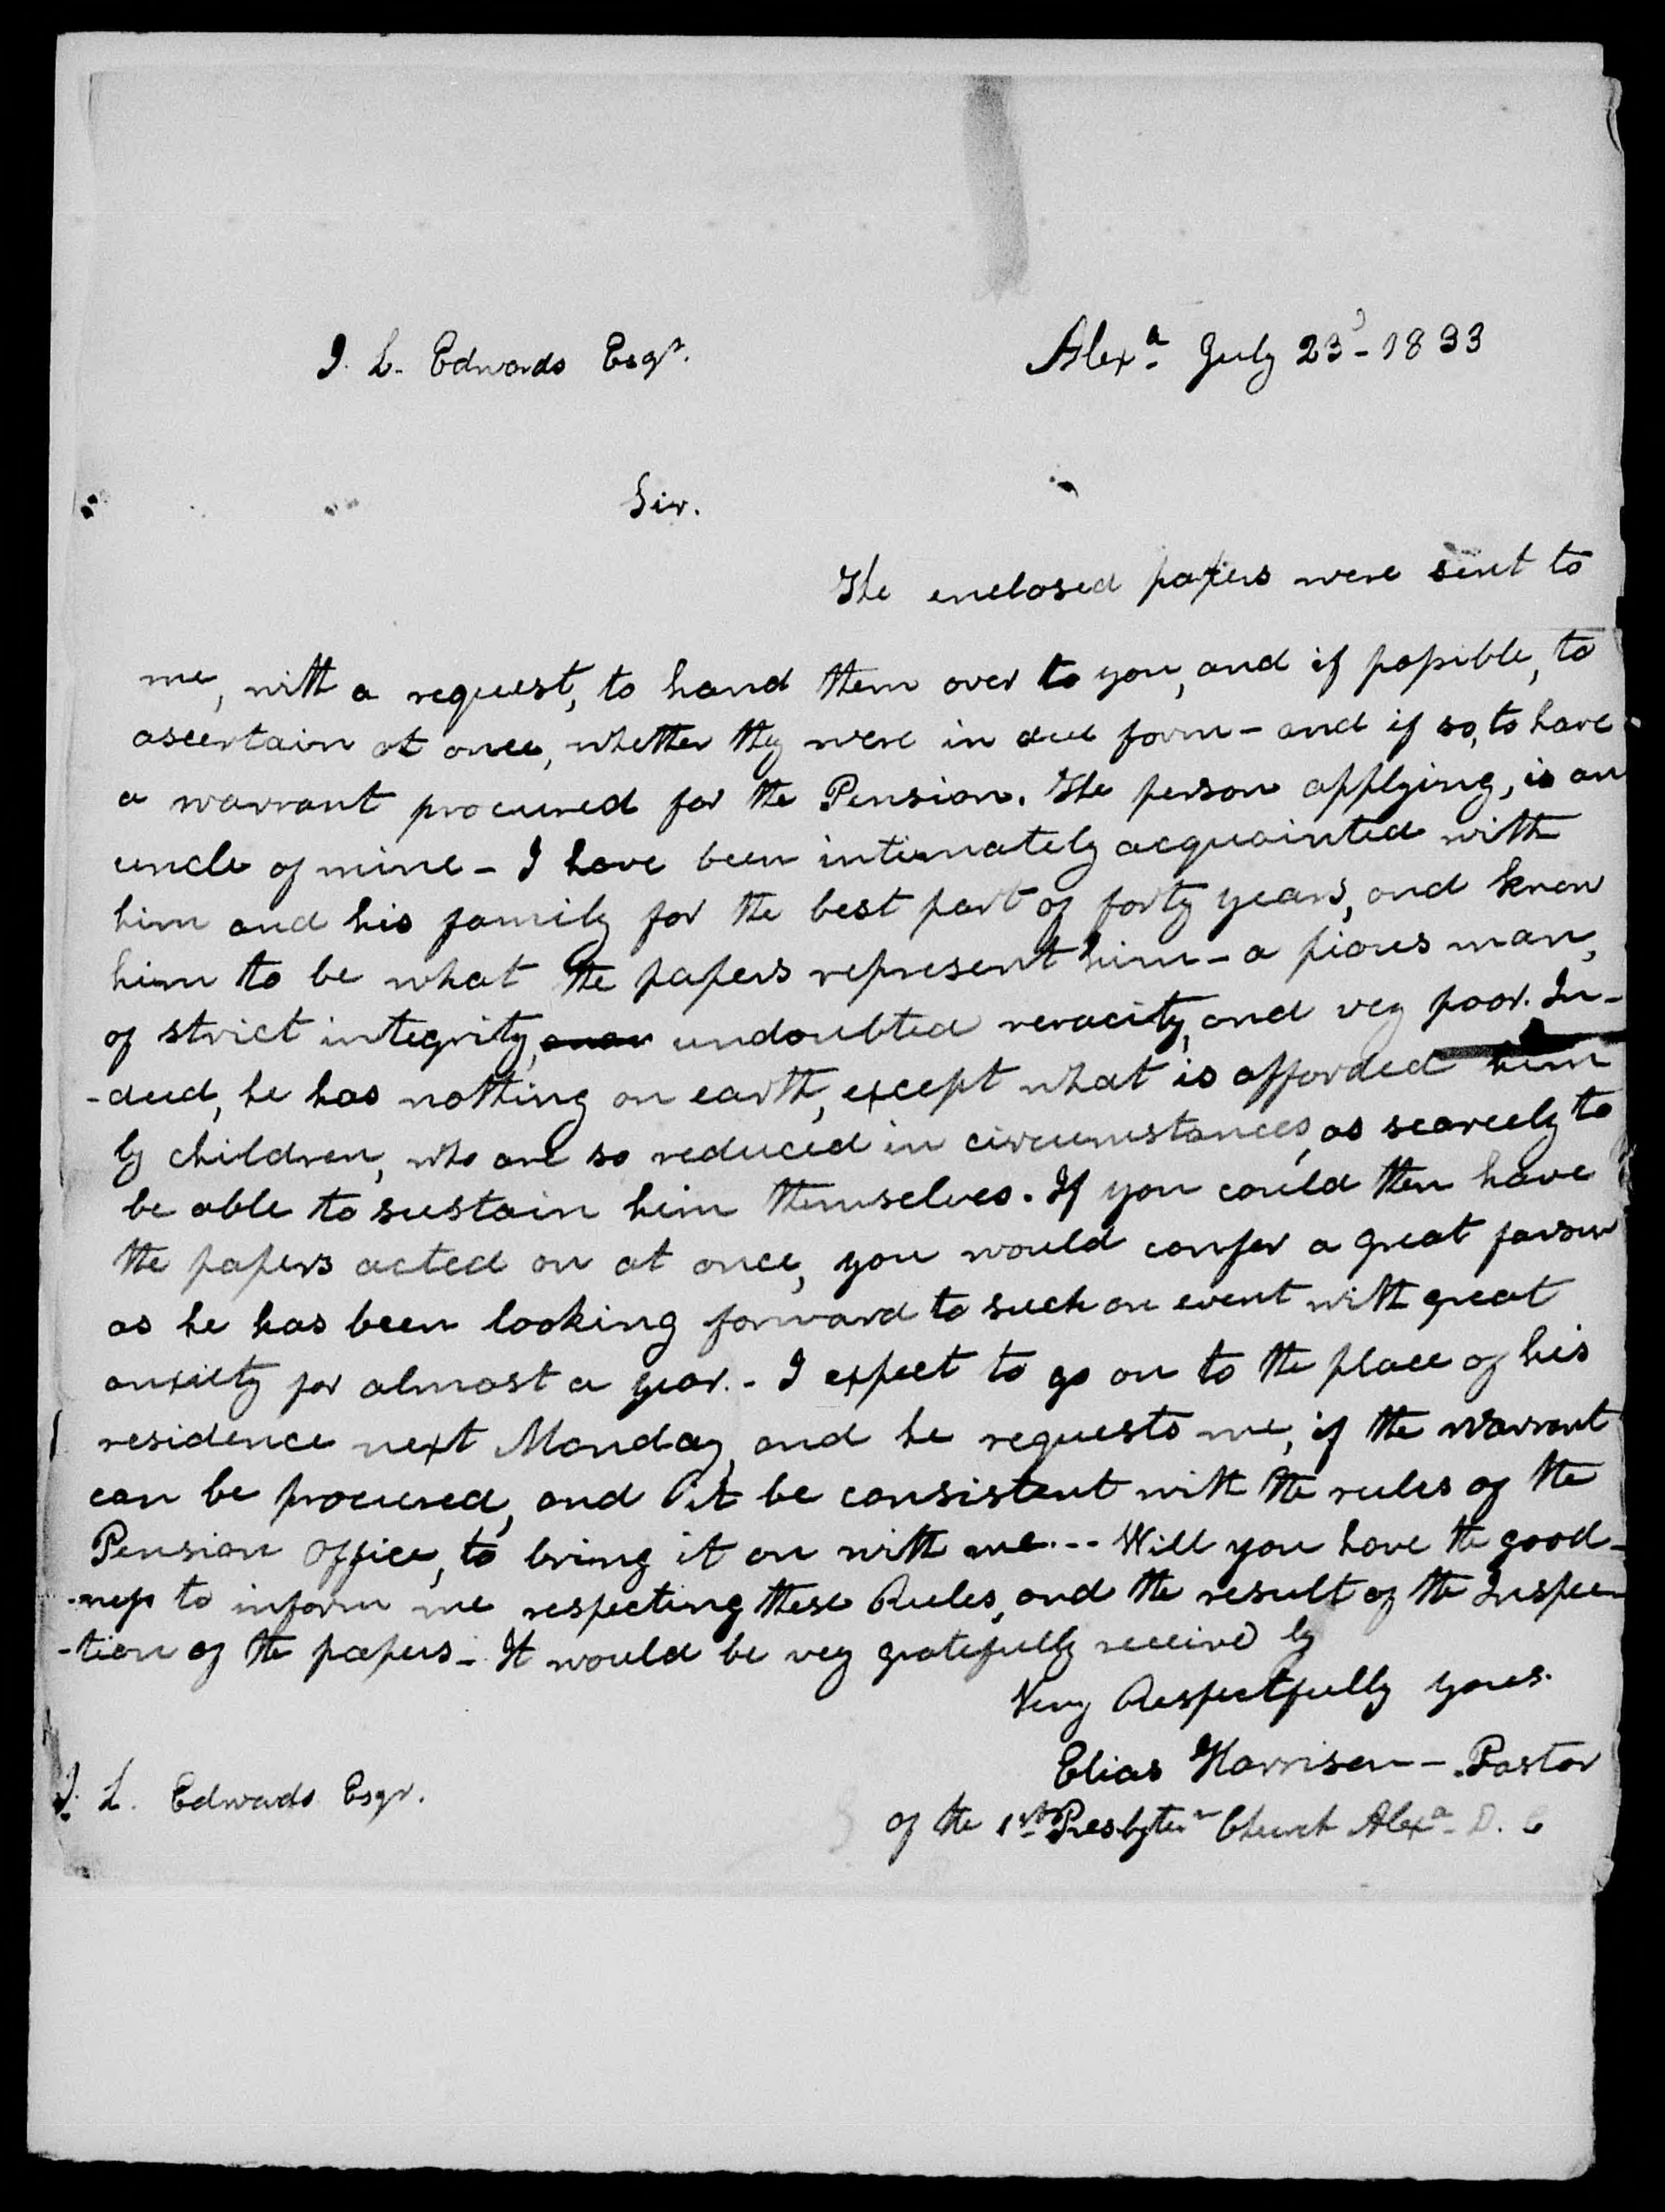J. L. Edwards Esqr

Alex[andria]: July 23, 1833
Sir,
The enclosed papers were sent to me, with a request, to hand them over to you, and if possible, to ascertain at once, whether they were in due form- and if so, to have
a warrant procured for the Pension. The person applying, is an
uncle of mine -- I have been intimately acquainted with
him and his family for the best part of forty years, and know
him to be what the papers represent him a pious man, of strict integrity, undoubted veracity and very poor.
Indeed, he has nothing on earth, except what is afforded him by children, who are so reduced in circumstances as scarcely
be able to sustain him themselves. If you could then have the papers acted on at once, you would confer a great favor as he has been looking forward to such an event with great anxiety for almost a year. I expect to go on to the place of his
residence next Monday, and he requests me, if the warrant can be procured, and it be consistent with the rules of the
Pension Office, to bring it on with me. Will you have the goodness to inform me respecting these rules, and the result of the inspection of the papers. It would be very gratefully received
by
Very Respectfully yours
Elias Harrison
Pastor of the 1st Presbyteran Church Alex[andria] D.C.

J. L. Edwards Esqr.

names: Elias Harrison, J L Edwards, J L Edwards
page: 9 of 15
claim: survivor's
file: S. 883, Thomas Harrison, New Jersey